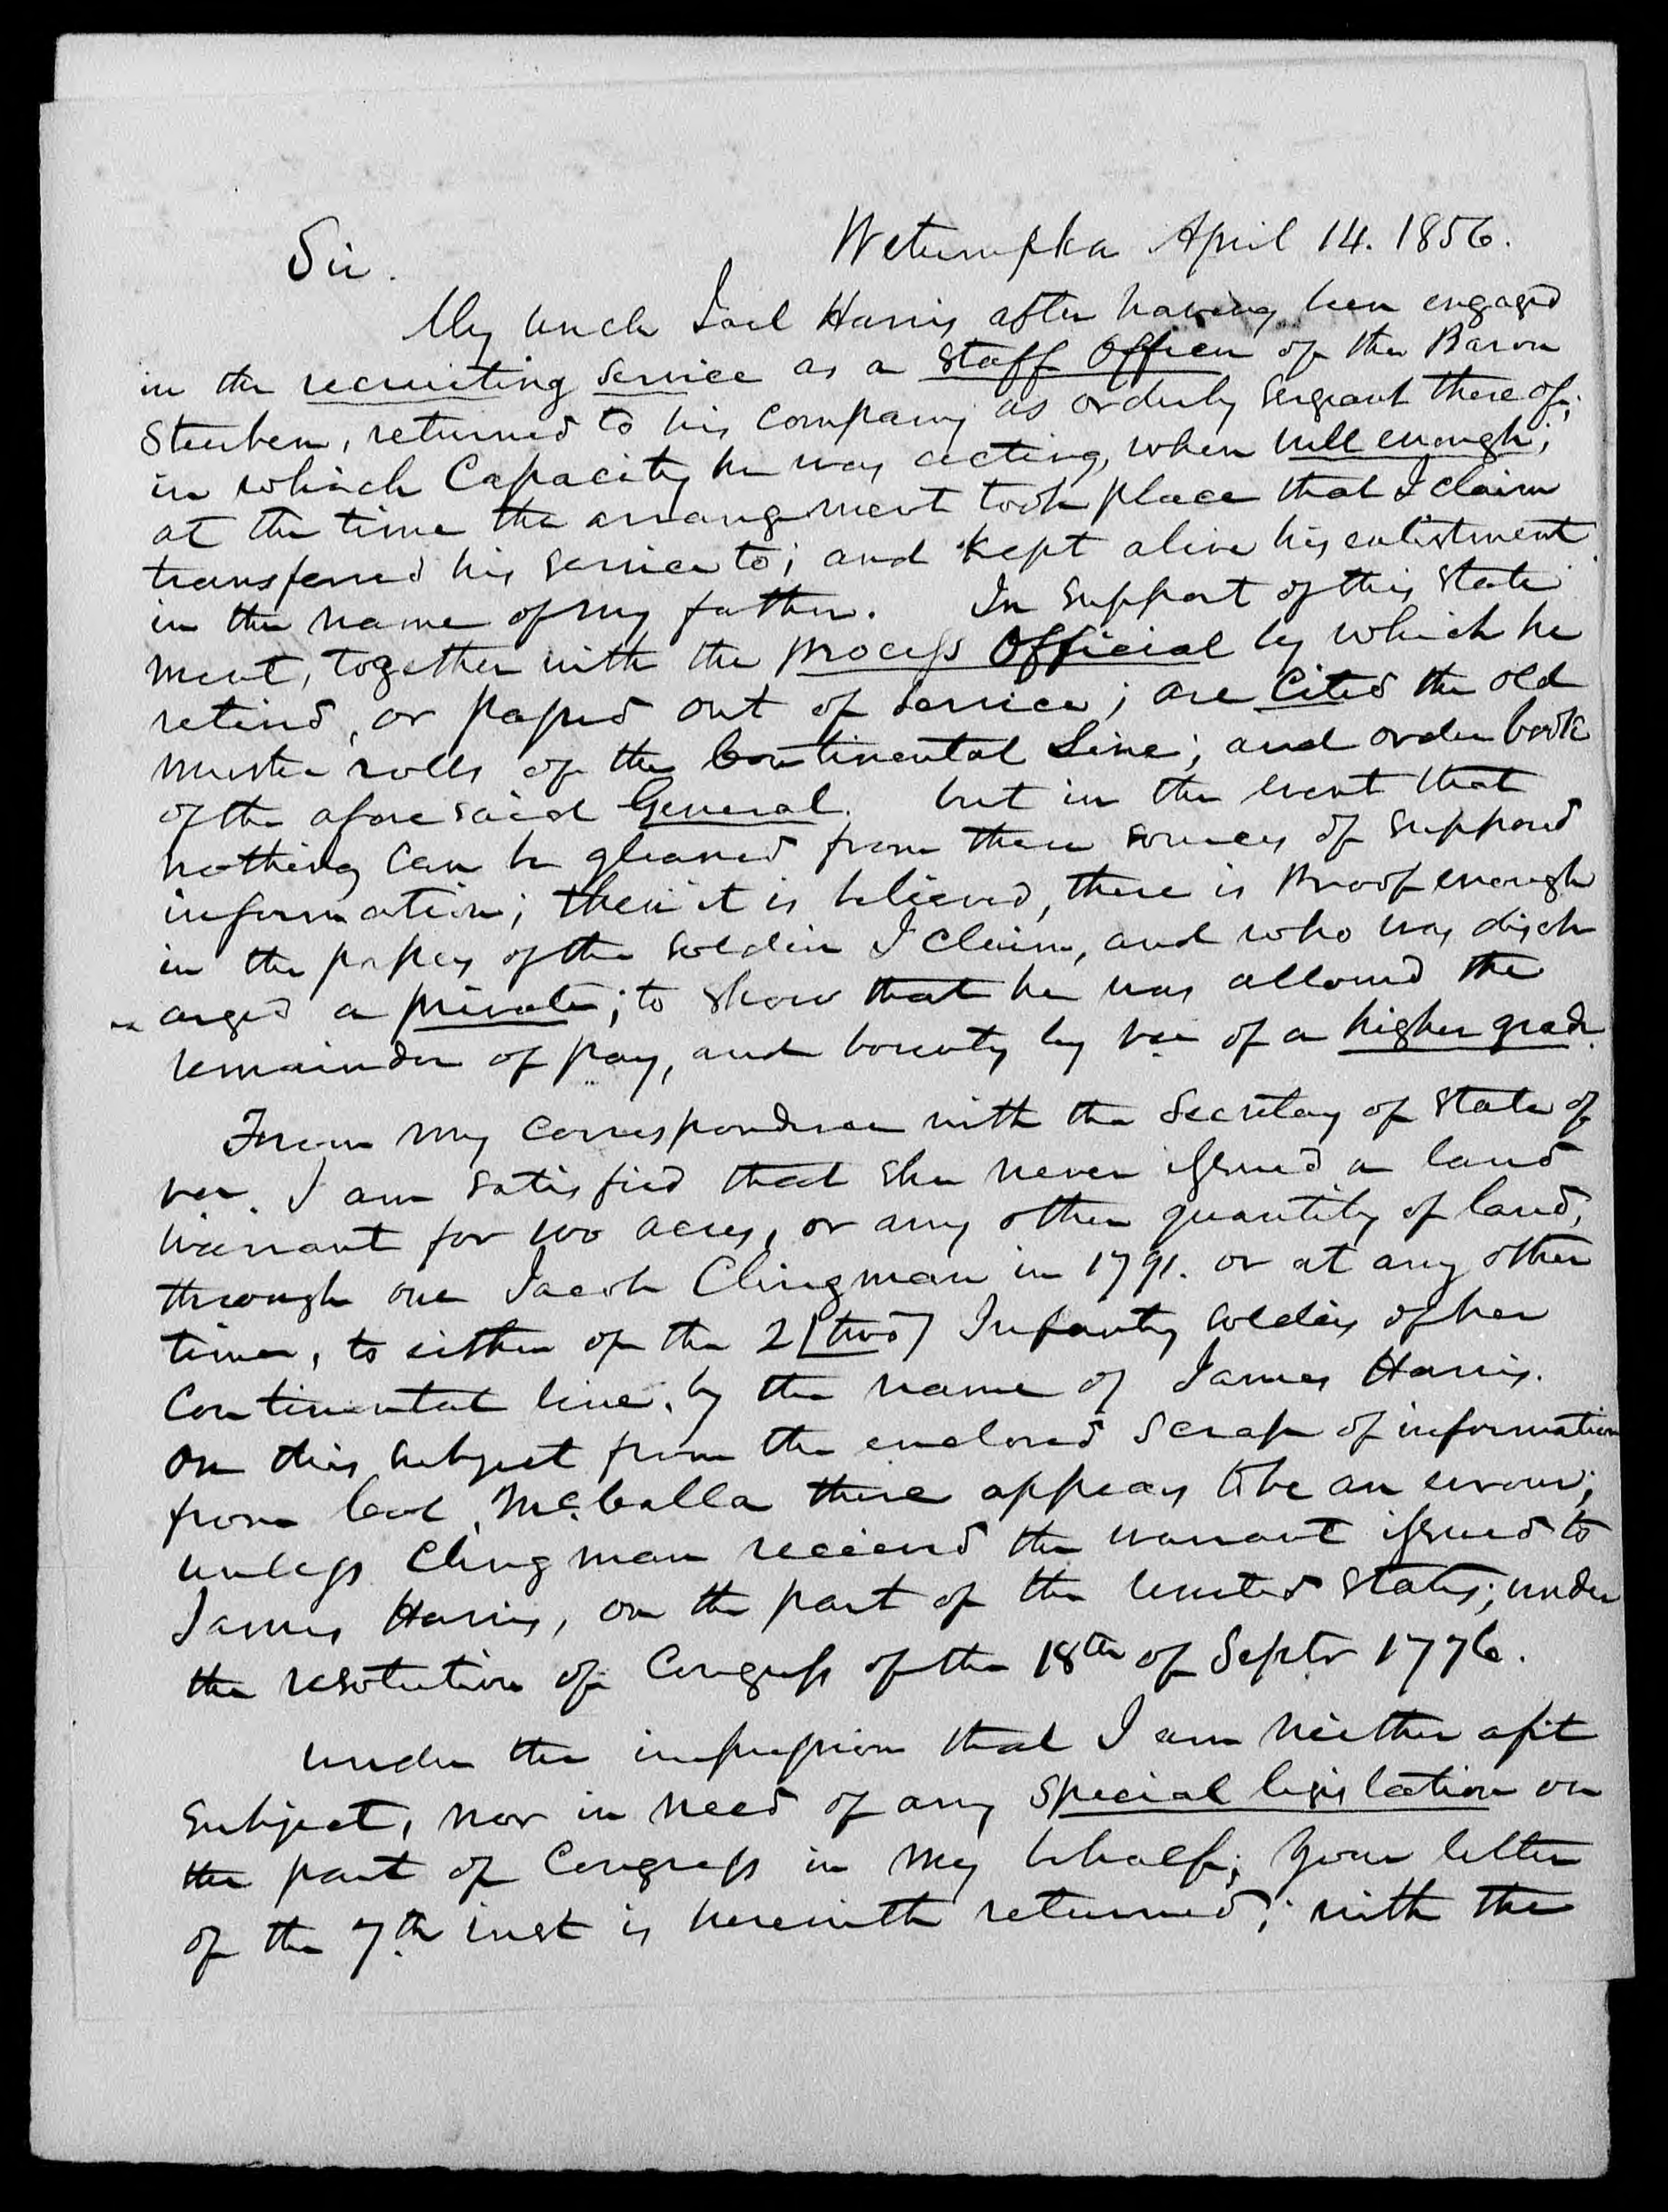Wetumpka April 14, 1856

Sir

My uncle Joel Harris after having been engaged in the recruiting service as a staff officer of the Baron Steuben, returned to his company as orderly Sergeant thereof in which capacity he was acting, when well enough; at the time the arrangement took place that I claim transferred his service to; and kept alive his enlistment in the name of my father.  In support of this statement, together with the process official by which he retired, or papered out of service; are cited the old muster rolls of the Continental Line; and order book of the aforesaid General; but in the event that nothing can be gleaned from these sources of support information; then it is believed, there is proof enough in the papers of the soldier I claim, and who was discharged a private; to show that he was allowed the remainder of pay, and bounty by [?] of a higher grade.
   From my correspondence with the Secretary of State of Va., I am satisfied that she never issued a land warrant for 200 acres, or any other quantity of land, through one Jacob Clingman in 1791, or at any other times, to either of the 2 (two) Infantry soldiers of her Continental line by the name of James Harris . On this subject from the enclosed scraps of information from Col McCalla there appears to be an error, unless Clingman received the warrant issued to James Harris, on the part of the United States; under the resolution of Congress of the 18th of Septr 1776.
   Under the impression that I am neither a fit subject, nor in need of any special legislation on the part of Congress in my behalf, your letter of the 7th inst is herewith returned; with the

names: James Harris, Clingman, Jacob Clingman, James Harris, Mc Calla, Joel Harris, Baron Steuben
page: 43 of 160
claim: rejected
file: R. 4666, James Harris, Va.